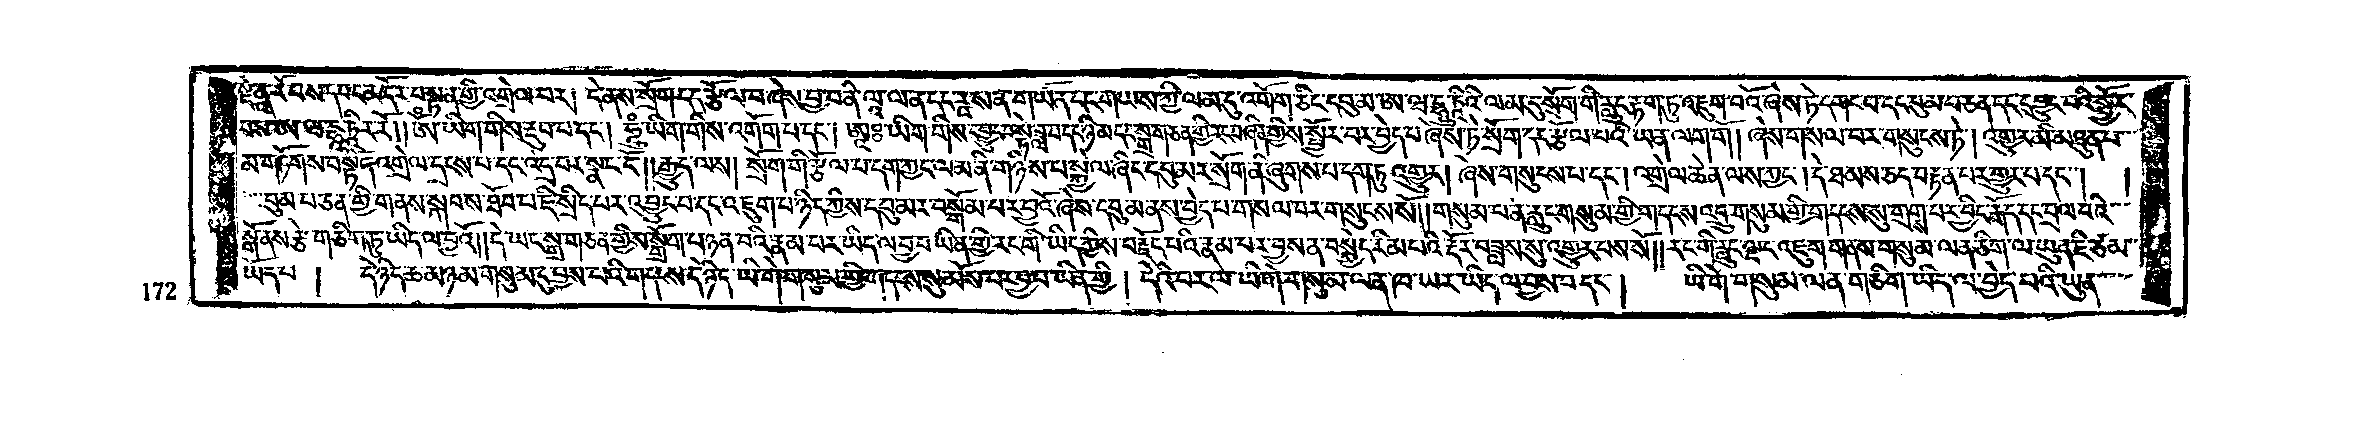རྗེ་ནཱ་རོ་པས་དབང་མདོར་བསྟན་གྱི་འགྲེལ་པར། དེ་ནས་སྲོག་དང་རྩོལ་བ་ཞེས་བྱ་བ་ནི་ལཱ་ལ་ན་དང་རཱ་ས་ན་གཡོན་དང་གཡས་ཀྱི་ལམ་དུ་འགོག་ཅིང་དབུ་མ་ཨ་ཝ་དྷཱུ་ཏཱིའི་ལམ་དུ་སྲོག་གི་རླུང་རྟག་ཏུ་འཇུག་པའོ་ཞེས་ཏེ་དགང་པ་དང་བུམ་པ་ཅན་དང་དབྱུང་བའི་སྦྱོར་
བས་ཨ་ཝ་དྷཱུ་ཏཱིར་རོ། །ཨོཾ་ཡིག་གིས་རྡུབ་པ་དང་། ཧཱུཾ་ཡིག་གིས་འགོག་པ་དང་། ཨཱཿ ཡིག་གིས་དབྱུང་བ་སྟེ་ཟླ་བ་དང་ཉི་མ་དང་སྒྲ་གཅན་གྱི་རང་བཞིན་གྱིས་སྦྱོར་བར་བྱེད་པ་ཞེས་ཏེ་སྲོག་དང་རྩོལ་བའི་ཡན་ལག་གོ །ཞེས་གསལ་བར་གསུངས་ཏེ། འགྱུར་མི་མཐུན་པ་
མ་གཏོགས་བསྟོད་འགྲེལ་དྲངས་པ་དང་འདྲ་བར་སྣང་ངོ། །རྒྱུད་ལས། སྲོག་གི་རྩོལ་པ་དག་ཀྱང་ལམ་ནི་གཉིས་པ་སྐྱེལ་ཞིང་དབུ་མར་སྲོག་ནི་ཞུགས་པ་དག་ཏུ་འགྱུར། ཞེས་གསུངས་པ་དང་། འགྲེལ་ཆེན་ལས་ཀྱང་། དེ་ཐམས་ཅད་བརྟན་པར་གྱུར་པ་དང་། །
བུམ་པ་ཅན་གྱི་གནས་སྐབས་ཐོབ་པ་ཇི་སྲིད་པར་འབྱུང་བ་དང་འཇུག་པ་ཉིད་ཀྱིས་དབུ་མར་བསྒོམ་པར་བྱའོ་ཞེས་དབུ་མ་ནས་བྱེད་པ་གསལ་བར་གསུངས་སོ། །གསུམ་པ་ནི་རླུང་གསུམ་གྱི་གདངས་འབྲུ་གསུམ་གྱི་གདངས་སུ་གྲགས་པར་བྱིང་རྒོད་དང་བྲལ་བའི་
སྒོ་ནས་རྩེ་གཅིག་ཏུ་ཡིད་ལ་བྱའོ། །དེ་ཡང་སྒྲ་གཅན་གྱིས་སྒྲོག་པ་ཉན་བའི་རྣམ་པར་ཡིད་ལ་བྱ་བ་ཡིན་གྱི་རང་གི་ཡིད་ཀྱིས་བརྗོད་པའི་རྣམ་པར་བྱས་ན་བསྐྱེད་རིམ་པའི་རྡོར་བཟླས་སུ་འགྱུར་བས་སོ། །རང་གི་རླུང་ལྔར་འཇུག་གནས་གསུམ་ལན་ཅིག་ལ་ཡུན་ཇི་ཙམ་
ཡོད་པ། དེ་ཉིད་ཆ་མཉམ་གསུམ་དུ་བྱས་པའི་གདངས་དེ་ཉིད་ཡི་གེ་གསུམ་གྱི་གདངས་སུ་མོས་པར་བྱ་བ་ཡིན་གྱི། དེའི་བར་ལ་ཡི་གེ་གསུམ་ལན་ཁ་ཡར་ཡིད་ལ་བྱས་པ་དང་། ཡི་གེ་གསུམ་ལན་གཅིག་ཡིད་ལ་བྱེད་པའི་ཡུན་